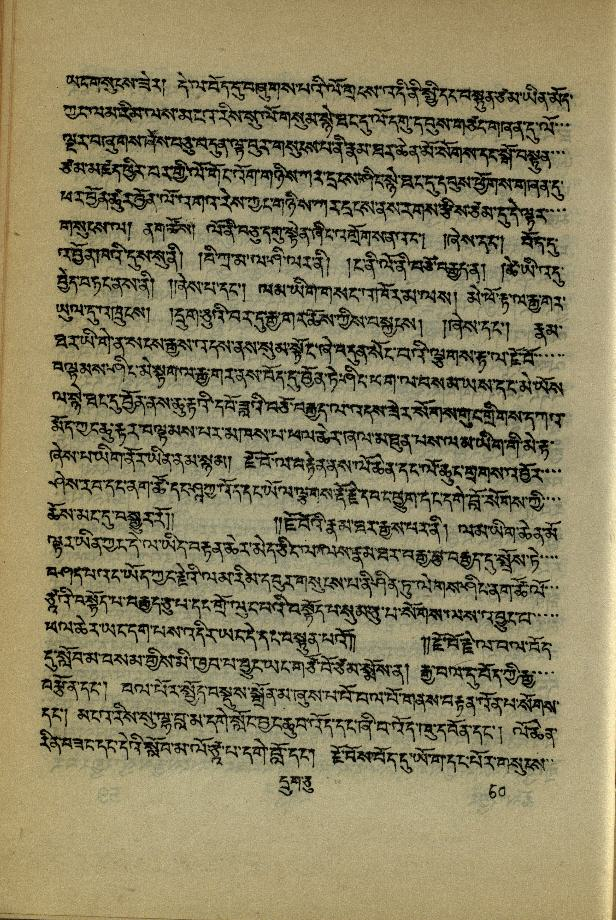ཡང་གསུངས་ཟེར། དེ་ལ་བོད་དུ་བཞུགས་པའི་ལོ་གྲངས་འདི་ནི་སྤྱི་དང་བསྟུན་ཙམ་ཡིན་མོད་
ཀྱང་ལམ་རིམ་ལས་མངའ་རིས་སུ་ལོ་གསུམ་སྙེ་ཐང་དུ་ལོ་དགུ་དབུས་གཙང་གཞན་དུ་ལོ་
ལྔར་བཞུགས་ཞེས་བཅུ་བདུན་ལྟ་བུར་གསུངས་པ་ནི་རྣམ་ཐར་ཆེན་མོ་སོགས་དང་སྒོ་བསྟུན་
ཙམ་མཛད་ཕྱིར་བར་གྱི་ལོ་གོང་འོག་གཉིས་ཀར་དྲངས་ཤིང་སྙེ་ཐང་དུ་དབུས་ཕྱོགས་གཞན་དུ་
ཕར་བྱོན་ཚུར་ཁྱོན་ལོ་འགའ་རེས་ཀྱང་གཉིས་ཀར་དྲངས་ནས་རགས་རྩིས་ཙམ་དུ་དེ་ལྟར་
གསུངས་ལ། ནག་ཚོས། ལོ་ནི་བཅུ་དགུ་སྟེན་ཞིང་འགྲོགས་ནའང་། །ཞེས་དང་། བོད་དུ་
འབྱོན་ཁའི་དུས་སུ་ནི། །བི་ཀྲ་མ་ལ་ཤི་ལར་ནི། །ང་ནི་ལོ་ནི་བཅོ་བརྒྱད་ན། །ཚེ་ཡི་འདུ་
བྱེད་བཏང་ནས་ནི། །ཞེས་པ་དང་། ལམ་ཡིག་གསང་འཁོར་མ་ལས། མེ་ཕོ་རྟ་ལ་རྒྱ་གར་
ཡུལ་དུ་འཁྲུངས། །དྲུག་ཅུའི་བར་དུ་རྒྱ་གར་ཆོས་ཀྱིས་བསྐྱངས། །ཞེས་དང་། རྣམ་
ཐར་ཡི་གེ་ན་སངས་རྒྱས་འདས་ནས་སུམ་སྟོང་ཞེ་བདུན་སོང་བའི་ལྕགས་རྟ་ལ་ཇོ་བོ་
བལྟམས་ཤིང་མེ་སྟག་ལ་རྒྱ་གར་ནས་བོད་དུ་བྱོན་ཏེ་ཤིང་ཕག་ལ་བསམ་ཡས་དང་མེ་ཡོས་
ལ་སྙེ་ཐང་དུ་བྱོན་ནས་ཆུ་རྟའི་དབོ་ཟླའི་བཅོ་བརྒྱད་ལ་འདས་ཟེར་སོགས་གུང་གྲིགས་དཀའ་
མོད་ཀྱང་ཆུ་རྟར་བལྟམས་པར་མཁས་པ་ཕལ་ཆེར་ཞལ་མཐུན་པས་ལམ་ཡིག་གི་མེ་རྟ་
ཞེས་པ་ཡིག་ནོར་ཡིན་ནམ་སྙམ། ཇོ་བོ་ལ་བརྟེན་ནས་ལོ་ཆེན་དང་ལོ་ཆུང་གྲགས་འབྱོར་
ཤེས་རབ་དང་ནག་ཚོ་དང་ཤཱཀྱ་འོད་དང་ཡོལ་ལྕགས་རྡོ་རྗེ་དབང་ཕྱུག་དང་དགེ་བློ་སོགས་ཀྱི་
ཆོས་མང་དུ་བསྒྱུར་རོ།། །།ཇོ་བོའི་རྣམ་ཐར་རྒྱས་པར་ནི། ལམ་ཡིག་ཆེན་མོ་
ལྟར་ཡིན་ཀྱང་དེ་ལ་ཡིད་བརྟན་ཆེར་མེད་ཅིང་ལ་ལས་རྣམ་ཐར་བརྒྱ་རྩ་བརྒྱད་དུ་སྤྲོས་ཏེ་
བཤད་པའང་ཡོད་ཀྱང་རྗེའི་ལམ་རིམ་དབུར་གསུངས་པ་ནི་ཤིན་ཏུ་ལེགས་ཤིང་ནག་ཚོ་ལོ་
ཙཱའི་བསྟོད་པ་བརྒྱད་ཅུ་པ་དང་གྲོ་ལུང་པའི་བསྟོད་པ་སུམ་ཅུ་པ་སོགས་ལས་འབྱུང་བ་
ཕལ་ཆེར་ཡང་དག་པས་འདིར་ཡང་དེ་དང་བསྟུན་པའོ།། །།ཇོ་བོ་རྗེ་ལ་བལ་བོད་
དུ་སློབ་མ་བསམ་གྱིས་མི་ཁྱབ་པ་བྱུང་ཡང་གཙོ་བོ་ཙམ་སྨོས་ན། རྒྱ་བལ་དུ་བོད་ཀྱི་རྒྱ་
བརྩོན་དང་། བལ་པོར་སྤྱོད་བསྡུས་སྒྲོན་མ་ཞུས་པ་པོ་བལ་པོ་གནས་བརྟན་འོན་པ་སོགས་
དང་། མངའ་རིས་སུ་ལྷ་བླ་མ་དགེ་སློང་བྱང་ཆུབ་འོད་དང་ཞི་བ་འོད་ཁུ་དབོན་དང་། ལོ་ཆེན་
རིན་བཟང་དང་དེའི་སློབ་མ་ལོ་ཙཱ་པ་དགེ་བློ་དང་། ཇོ་བོས་བོད་དུ་ཡོ་ག་དང་པོར་གསུངས་